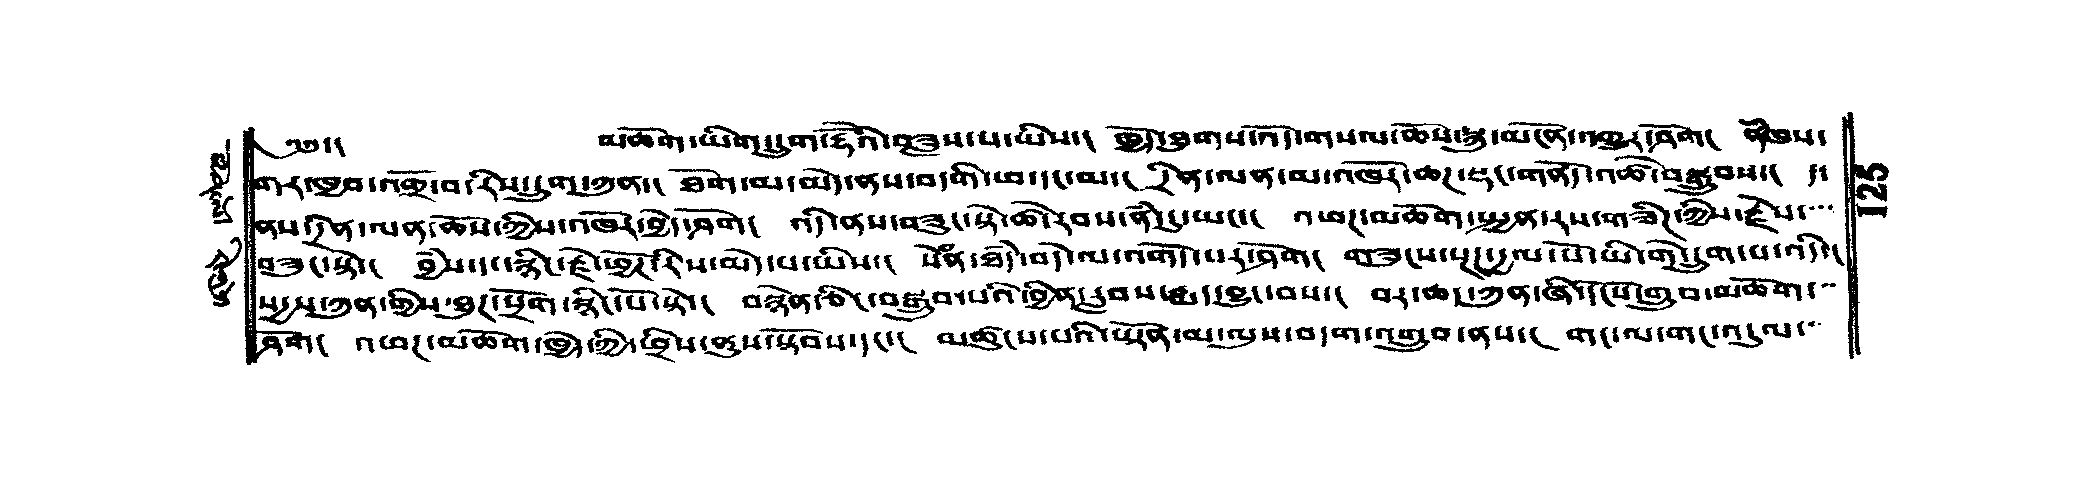མཆོག་ཡིག་དྲུག་རྡོ་རྗེའི་བཟླས་པ་ཡིས། །ཁྱོད་ཐུགས་འོད་གསལ་ཆོས་སྐུ་མངོན་འགྱུར་ཤོག །ནམ་མཁས་
གར་ཁྱབ་འགྲོ་བ་རིགས་དྲུག་ཀུན། །ཐོག་མ་མེད་ནས་བདག་གི་ཕ་དང་མ། །དྲིན་ལན་མ་འཁོར་ཆགས་སྡང་གནོད་འཚེ་བསྒྲུབས། །ད་
ནས་དྲིན་ལན་ཆོས་ཀྱིས་འཁོར་བྱེད་ཤོག །འདི་ནས་བཟུང་སྟེ་ཚེ་རབས་ནམ་དུ་ཡང་། །འཕགས་མཆོག་སྤྱན་རས་གཟིགས་ཀྱིས་རྗེས་
བཟུང་སྟེ། །བྱམས་དང་སྙིང་རྗེ་ཕྱོགས་རིས་མེད་པ་ཡིས། །སེམས་ཅན་ཐམས་ཅད་བདེ་ལ་འགོད་པར་ཤོག །གཟུངས་སྔགས་རྒྱལ་པོ་ཡི་གེ་དྲུག་པ་འདི། །
སངས་རྒྱས་ཀུན་གྱིས་ཐུགས་སྲོག་སྙིང་པོ་སྟེ། །བསྙེན་ཅིང་བསྒྲུབ་པའི་བྱིན་རླབས་རྨད་བྱུང་བས། །བར་ཆད་ཀུན་ཞི་དངོས་གྲུབ་མཆོག་
ཤོག །འཕགས་མཆོག་ཁྱེད་ཀྱི་ཕྲིན་ལས་ནུས་སྟོབས་དང་། །མཚུངས་པའི་ཡོན་ཏན་མ་ལུས་བདག་འགྲུབ་ནས། །གང་ལ་གང་འདུལ་